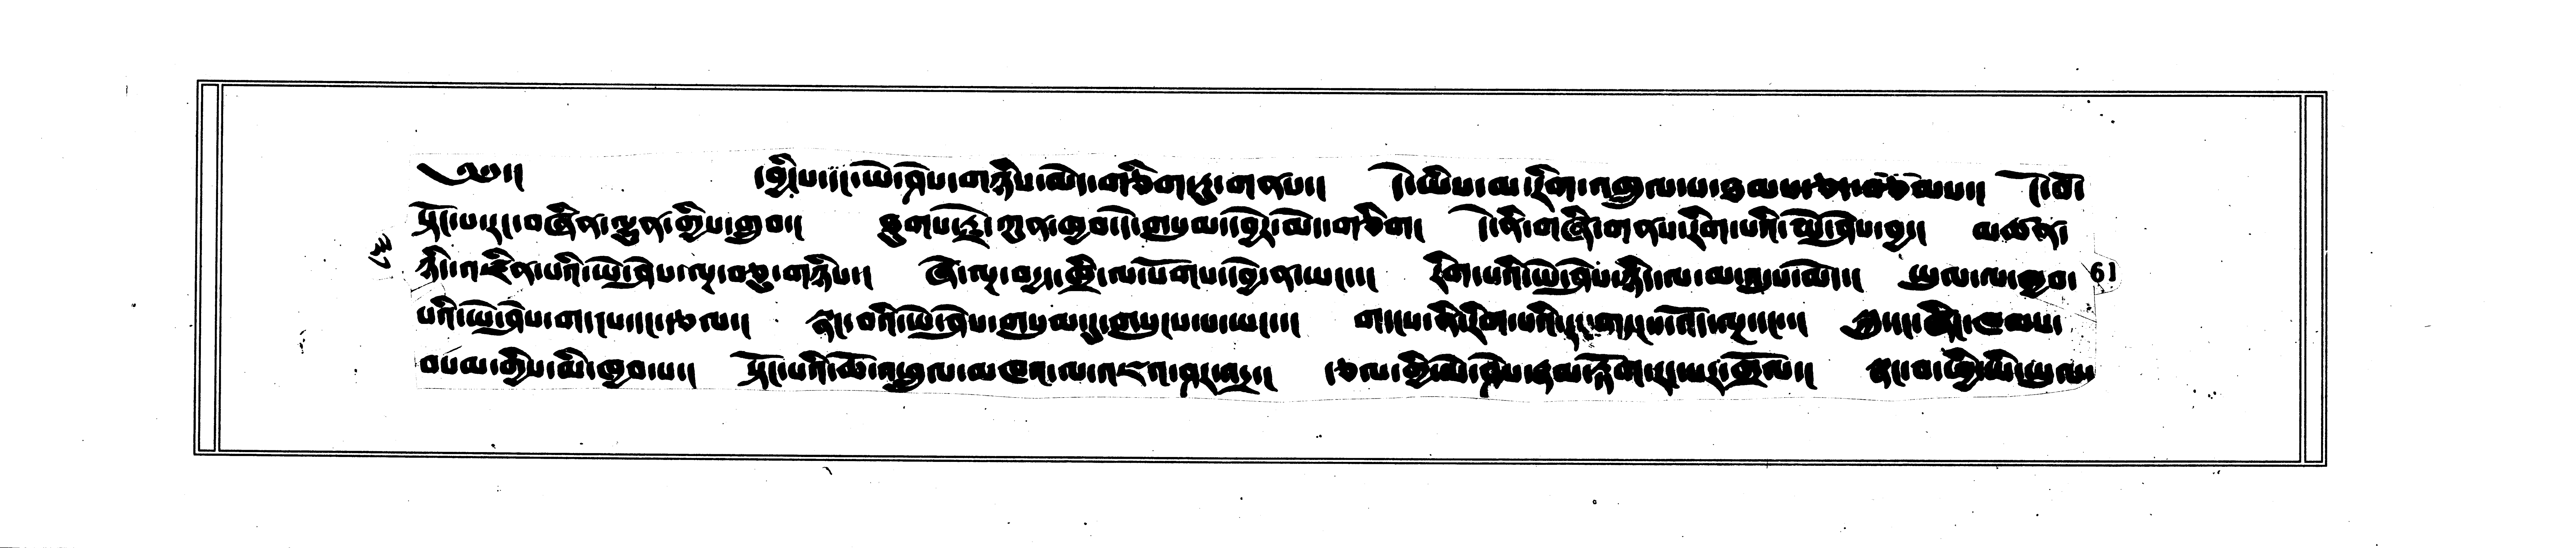དབྱིངས་དང་ཡེ་ཤེས་གཉིས་མེད་གཅིག་ཏུ་གནས། །དེ་ཡིས་མ་རིག་འཁྲུལ་པ་ཐམས་ཅད་བཅོམ། །ངོ་བོ་
སྟོང་པ་རང་བཞིན་ལྷུན་གྱིས་གྲུབ། །ཐུགས་རྗེ་ཀུན་ཁྱབ་དེ་གསུམ་དབྱེར་མེད་གཅིག །དེ་ནི་གཞི་གནས་རིག་པའི་ཡེ་ཤེས་བྱ། །མཚན་
ཉིད་འཛིན་པའི་ཡེ་ཤེས་ལྔ་བཅུ་གཉིས། །ཞེ་ལྔ་བརྒྱད་ཁྲི་ལ་སོགས་དབྱེ་ན་ཡང་། །རིག་པའི་ཡེ་ཤེས་ཉིད་ལ་མ་འདུས་མེད། །ཡུལ་ལ་ཁྱབ་
པའི་ཡེ་ཤེས་གདངས་དང་རྩལ། །སྣང་བའི་ཡེ་ཤེས་གསུམ་དུ་གསུངས་པ་ཡང་། །གདངས་ནི་རིག་པའི་རང་གདངས་འོད་ལྔ་དང་། །སྐུ་དང་ཞིང་ཁམས་
བསམ་གྱིས་མི་ཁྱབ་པ། །སྟོང་པའི་ཆོ་འཕྲུལ་མཁའ་ལ་འཇའ་ཤར་འདྲ། །རྩལ་གྱི་ཡེ་ཤེས་རྣམ་རྟོག་རང་སར་གྲོལ། །སྣང་བ་ཕྱི་ཡི་ཡུལ་